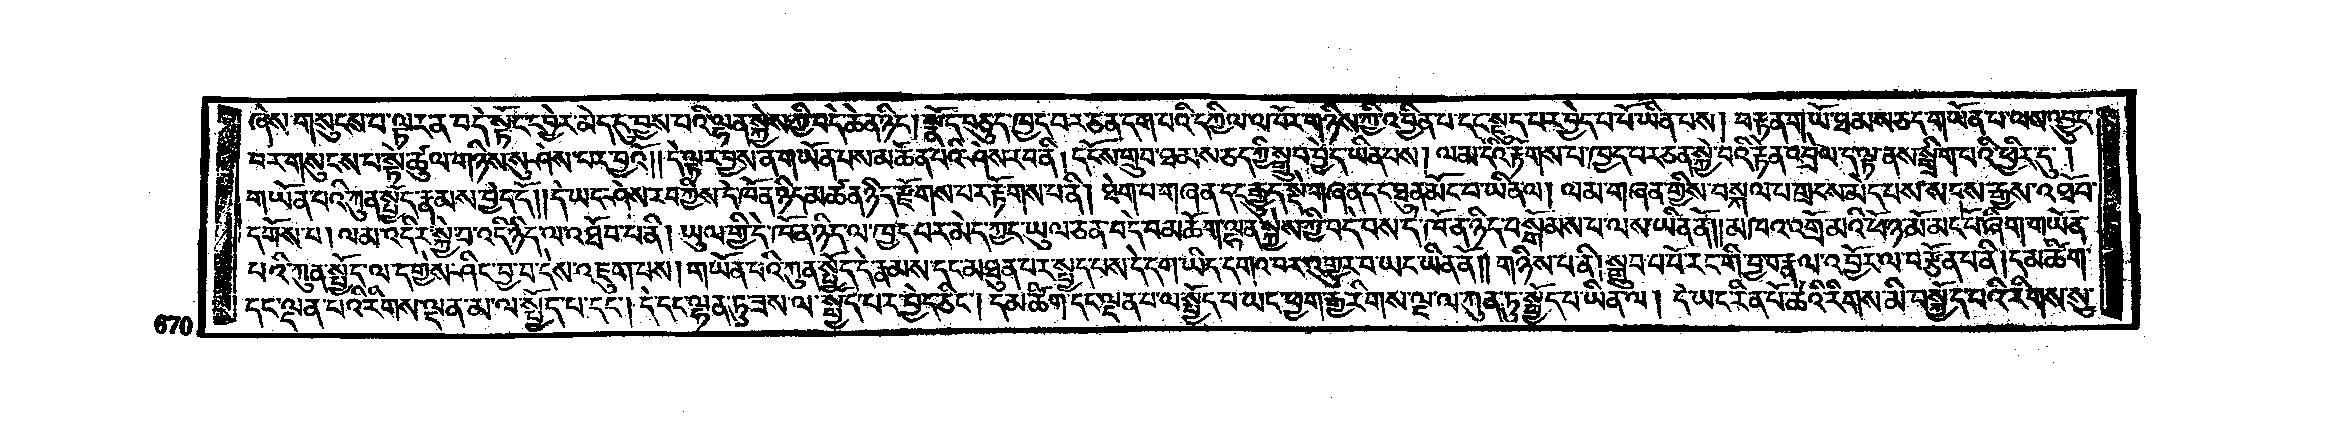ཞེས་གསུངས་པ་ལྟར་ན་བདེ་སྟོང་དབྱེར་མེད་དུ་བྱས་པའི་ལྷན་སྐྱེས་ཀྱི་བདེ་ཆེན་ཉིད། སྣོད་བཅུད་ཁྱད་པར་ཅན་དག་པའི་དཀྱིལ་འཁོར་གཉིས་ཀྱི་འབྱིན་པ་དང་སྡུད་པར་བྱེད་པ་པོ་ཡིན་པས། བརྟན་གཡོ་ཐམས་ཅད་གཡོན་པ་ལས་འབྱུང་
བར་གསུངས་པ་སྟེ་ཚུལ་གཉིས་སུ་ཤེས་པར་བྱའོ། །དེ་ལྟར་བྱས་ན་གཡོན་པས་མཚོན་པའི་ཤེས་རབ་ནི། དངོས་གྲུབ་ཐམས་ཅད་ཀྱི་སྒྲུབ་བྱེད་ཡིན་པས། ལམ་དེའི་རྟོགས་པ་ཁྱད་པར་ཅན་སྐྱེ་བའི་རྟེན་འབྲེལ་ད་ལྟ་ནས་སྒྲིག་པའི་ཕྱིར་དུ།
གཡོན་པའི་ཀུན་སྤྱོད་རྣམས་བྱེད་དོ། །དེ་ཡང་ཤེས་རབ་ཀྱིས་དེ་ཁོ་ན་ཉིད་མཚན་ཉིད་རྫོགས་པར་རྟོགས་པ་ནི། ཐེག་པ་གཞན་དང་རྒྱུད་སྡེ་གཞན་དང་ཐུན་མོང་བ་ཡིན་ལ། ལམ་གཞན་གྱིས་བསྐལ་པ་གྲངས་མེད་པས་སངས་རྒྱས་འཐོབ་
དགོས་པ། ལམ་འདིར་སྐྱེ་བ་འདི་ཉིད་ལ་འཐོབ་པ་ནི། ཡུལ་གྱི་དེ་ཁོ་ན་ཉིད་ལ་ཁྱད་པར་མེད་ཀྱང་ཡུལ་ཅན་བདེ་བ་མཆོག་ལྷན་སྐྱེས་ཀྱི་བདེ་བས་དེ་ཁོ་ན་ཉིད་བསྒོམས་པ་ལས་ཡིན་ནོ། །མཁའ་འགྲོ་མའི་ཕོ་ཉ་མོ་མང་པོ་ཞིག་གཡོན་
པའི་ཀུན་སྤྱོད་ལ་དགྱེས་ཤིང་བྱ་བ་དེས་འཇུག་པས། གཡོན་པའི་ཀུན་སྤྱོད་དེ་རྣམས་དང་མཐུན་པར་སྤྱད་པས་དེ་དག་ཡིད་དགའ་བར་འགྱུར་བ་ཡང་ཡིན་ནོ། །གཉིས་པ་ནི། སྒྲུབ་པ་པོ་རང་གི་བྱ་བ་རྣལ་འབྱོར་ལ་བརྩོན་པ་ནི། དམ་ཚིག་
དང་ལྡན་པའི་རིགས་ལྡན་མ་ལ་སྤྱོད་པ་དང་། དེ་དང་ལྷན་ཏུ་ཟས་ལ་སྤྱོད་པར་བྱེད་ཅིང་། དམ་ཚིག་དང་ལྡན་པ་ལ་སྤྱོད་པ་ཡང་ཕྱག་རྒྱ་རིགས་ལྔ་ལ་ཀུན་ཏུ་སྤྱོད་པ་ཡིན་ལ། དེ་ཡང་རིན་པོ་ཆེའི་རིགས་མི་བསྐྱོད་པའི་རིགས་སུ་